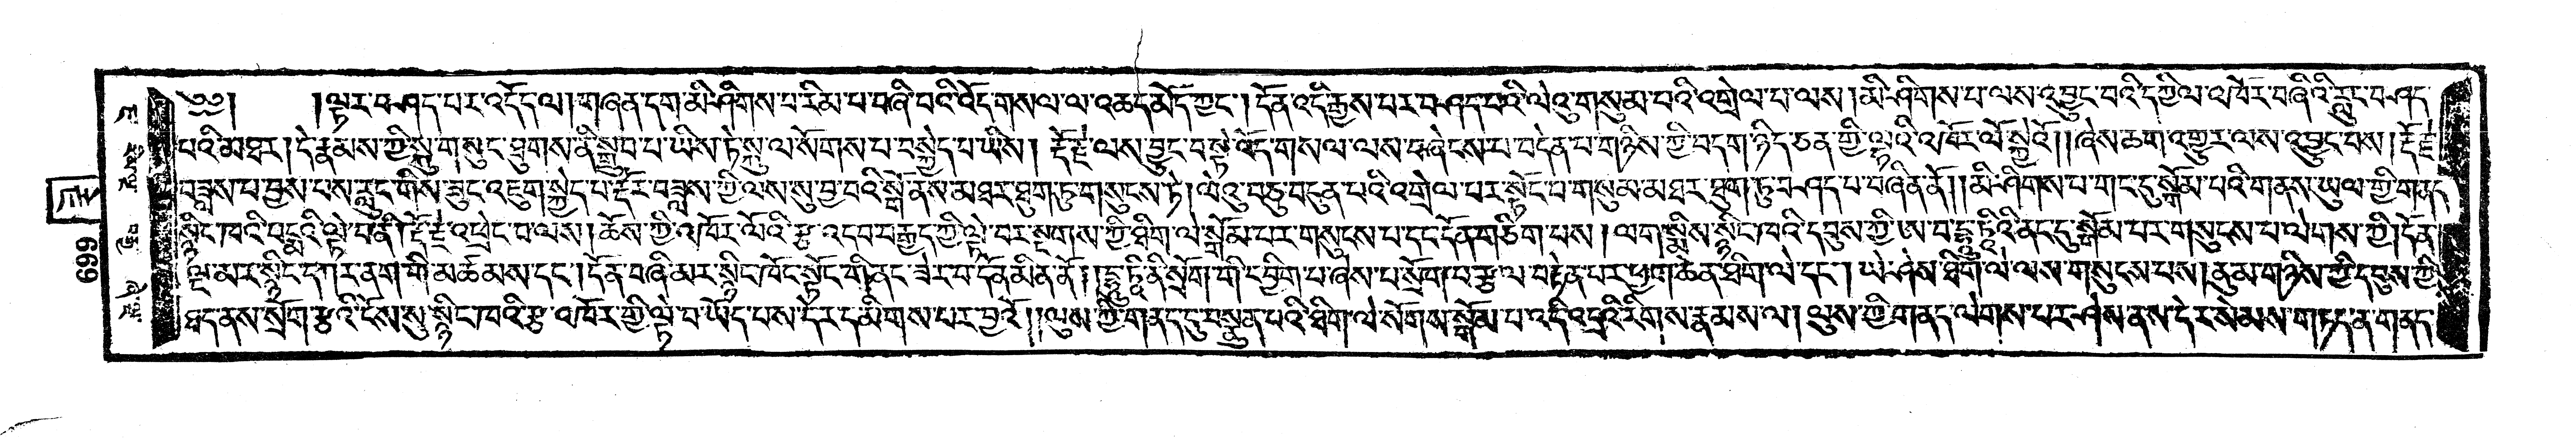༄༅། །ལྟར་བཤད་པར་འདོད་ལ། གཞན་དག་མི་ཤིགས་པ་རིམ་པ་བཞི་པའི་འོད་གསལ་ལ་འཆད་མོད་ཀྱང་། དོན་འདི་རྒྱས་པར་བཤད་པའི་ལེའུ་གསུམ་པའི་འགྲེལ་པ་ལས་།མི་ཤིགས་པ་ལས་འབྱུང་བའི་དཀྱིལ་འཁོར་བཞིའི་རླུང་བཤད་
པའི་མཐར། དེ་རྣམས་ཀྱི་སྐུ་གསུང་ཐུགས་ནི་སྒྲུབ་པ་ཡིས། ཏེ་སྐུ་ལ་སོགས་པ་བསྐྱེད་པ་ཡིས། རྡོ་རྗེ་ལས་བྱུང་བ་སྟེ་འོད་གསལ་ལས་བཞེངས་པ་བདེན་པ་གཉིས་ཀྱི་བདག་ཉིད་ཅན་གྱི་ལྷའི་འཁོར་ལོ་སྐྱེའོ། །ཞེས་ཆག་འགྱུར་ལས་འབྱུང་བས། རྡོ་རྗེ་
བཟླས་པ་བྱས་པས་རླུང་གིས་ཟུང་འཇུག་སྐྱེད་པ་རྡོར་བཟླས་ཀྱི་ལས་སུ་བྱ་བའི་སྒོ་ནས་མཐར་ཐུག་ཏུ་གསུངས་ཏེ། ལེའུ་བཅུ་བདུན་པའི་འགྲེལ་བར་སྟོང་པ་གསུམ་མཐར་ཐུག་ཏུ་བཤད་པ་བཞིན་ནོ། །མི་ཤིགས་པ་གང་དུ་སྒོམ་པའི་གནས་ཡུལ་གྱི་གནད་
སྙིང་ཁའི་པདམའི་ལྟེ་བ་ནི། རྡོ་རྗེ་འཕྲེང་བ་ལས། ཆོས་ཀྱི་འཁོར་ལོའི་རྩ་འདབ་བརྒྱད་ཀྱི་ལྟེ་བར་སྔགས་ཀྱི་ཐིག་ལེ་སྒོམ་པར་གསུངས་པ་དང་དོན་གཅིག་པས། ལག་སྨིས་སྙིང་ཁའི་དབུས་ཀྱི་ཨ་བ་དྷཱུ་ཏཱིའི་ནང་དུ་སྒོམ་པར་གསུངས་པ་ལེགས་ཀྱི། དོན་
ལྔ་མར་སྙིང་དཀར་ནག་གི་མཚམས་དང་། དོན་བཞི་མར་སྙིང་ཁོང་སྟོང་གི་ནང་ཟེར་བ་དོན་མིན་ནོ། །དྷཱུ་ཏཱི་ནི་སྲོག་གི་དབྱིག་པ་ཞེས་པ་སྲོག་པ་རྩལ་བརྟེན་པར་ཕྱག་ཆེན་ཐིག་ལེ་དང་། ཡེ་ཤེས་ཐིག་ལེ་ལས་གསུངས་པས། ནུ་མ་གཉིས་ཀྱི་དབུས་ཀྱི་
ཐད་ནས་སྲོག་རྩའི་ངོས་སུ་སྙིང་ཁའི་རྩ་འཁོར་གྱི་ལྟེ་བ་ཡོད་པས་དེར་དམིགས་པར་བྱའོ། །ལུས་ཀྱི་གནད་དུ་བསྣུན་པའི་ཐིག་ལེ་སོགས་སྒོམ་པ་འདི་འདྲའི་རིགས་རྣམས་ལ། ལུས་ཀྱི་གནད་ལེགས་པར་ཤེས་ནས་དེར་སེམས་གཏད་ན་གནད་